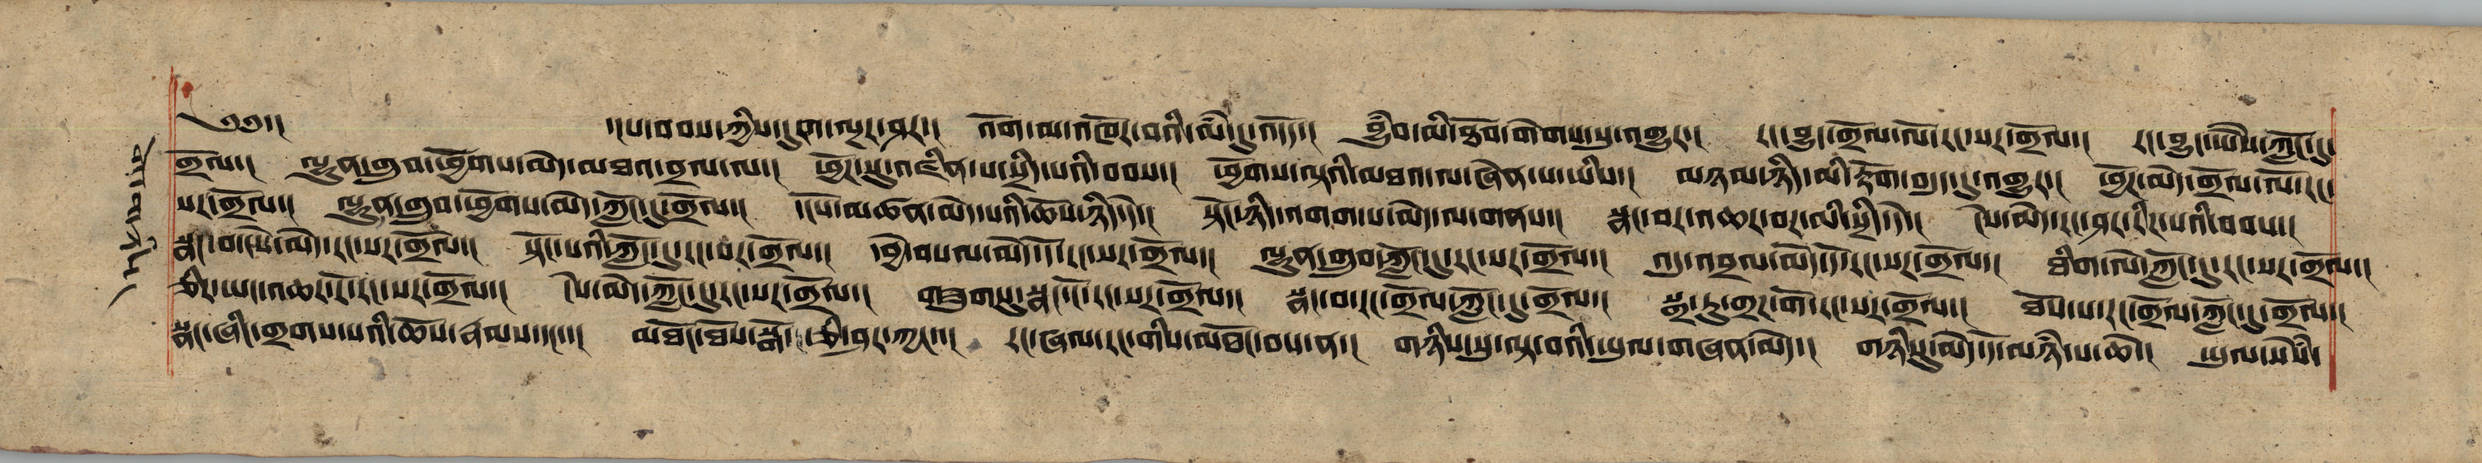༄༅་། ་།པ་བབས་ཀྱིས་དུག་ལྔར་ཤར་། འོག་ལ་འཁོར་བའི་ལཾ་དུ་འདོད་། བྱུཾབ་མི་ཐོབ་གེགས་སུ་འགྱུར་། རང་བྱུང་གྲོལ་ལོ་རང་སར་གྲོལ་། རང་བྱུང་ཡཻས་ཀློང་ངུ་
གྲོལ་། ལྷུན་གྲུབ་ཕྱོགས་མེད་མཐའ་བྲལ་ལ་། ཕྱོཌ་སུ་འཛིན་པ་སྲིད་པའི་བབས་། ཕྱོགས་ལྟའི་མཐའ་ལ་ཞེན་པ་ཡིས་། མཉམ་ཉིད་མི་རྟོག་བདུད་དུ་འགྱུར་། ཕྱོཌ་མེད་གྲོལ་ལོ་རང་
སར་གྲོལ་། ལྷུན་གྲུབ་ཕྱོགས་མེད་ཀློང་དུ་གྲོལ་། དངོས་མཚན་མེད་པའི་ཆོས་ཉིད་དེ་། སྟོང་ཉིད་འགག་པ་མེད་ལ་གནས་། སྣང་བར་འཆར་བར་མི་སྲིད་དེ་། ངེས་མེད་རང་ཤར་རིཌ་པའི་བབས་།
སྣང་བ་ངེས་མེད་རང་སར་གྲོལ་། སྟོང་པའི་ཀློང་དུ་རང་སར་གྲོལ་། དབྱེ་བསལ་མེད་དོ་རང་སར་གྲོལ་། ལྷུན་གྲུབ་ཀློང་དུ་རང་སར་གྲོལ་། འདུ་འབྲལ་མེད་དོ་རང་སར་གྲོལ་། ཐིག་ལེ་ཀློང་དུ་རང་སར་གྲོལ་།
ཅིར་ཡང་འཆར་རོ་རང་སར་གྲོལ་། ངེས་མེད་ཀློང་དུ་རང་སར་གྲོལ་། གཟུགསུ་སྣང་ངོ་རང་སར་གྲོལ་། སྣང་བ་རང་གྲོལ་ཀློང་དུ་གྲོལ་། སྒྲ་རུ་གྲཌ་གོ་རང་སར་གྲོལ་། ཐོས་པ་རང་གྲོལ་ཀློང་དུ་གྲོལ་།
སྣང་ཞིང་གྲགས་པའི་ཆོས་རྣམས་དང་་། མཐོང་ཐོས་སྒོ་ང་ཅི་ཤར་ཀྱང་་། རང་ཞལ་རང་གིས་མཐོང་བས་ན་། གཉིས་སུ་ལྟ་བའི་ཡུལ་གཞན་མེད་། གཉིསུ་མེད་དོ་མཉཾ་པ་ཆེ་། ཡུལ་སེཾས་